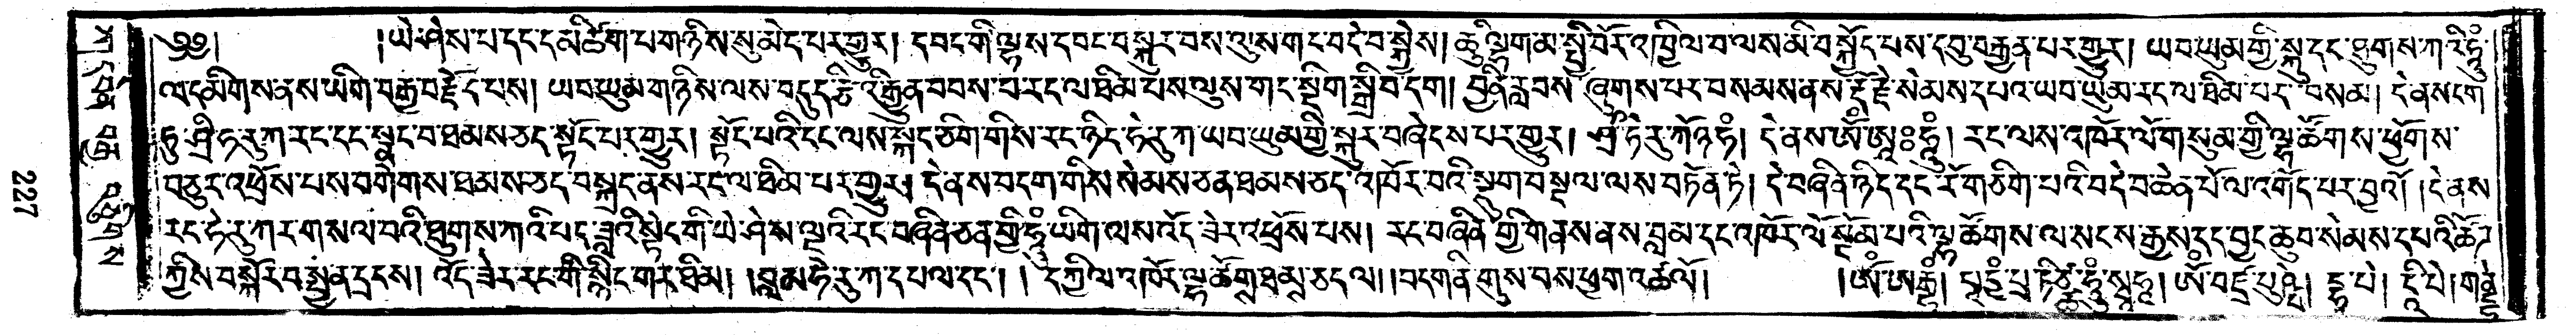༄༅། །ཡེ་ཤེས་པ་དང་དམ་ཚིག་པ་གཉིས་སུ་མེད་པར་གྱུར། དབང་གི་ལྷས་དབང་བསྐུར་བས་ལུས་གང་བདེ་བ་སྐྱེས། ཆུ་ལྷིག?་མ་སྤྱི་བོར་འཁྱིལ་བ་ལས་མི་བསྐྱོད་པས་དབུ་བརྒྱན་པར་གྱུར། ཡབ་ཡུམ་གྱི་སྐུ་དང་ཐུགས་ཀའི་ཧཱུཾ་
ལ་དམིགས་ནས་ཡིག་བརྒྱ་བརྗོད་པས། ཡབ་ཡུམ་གཉིས་ལས་བདུད་རྩིའི་རྒྱུན་བབས་པ་རང་ལ་ཐིམ་པས་ལུས་གང་སྡིག་སྒྲིབ་དག། བྱིན་རླབས་ཞུགས་པར་བསམས་ནས་རྡོ་རྗེ་སེམས་དཔའ་ཡབ་ཡུམ་རང་ལ་ཐིམ་པར་བསམ། དེ་ནས་ངག་
ཏུ་ཤྲི་ཧ་རུ་ཀ་རང་དང་སྣང་བ་ཐམས་ཅད་སྟོང་པར་གྱུར། སྟོང་པའི་ངང་ལས་སྐད་ཅིག་གིས་རང་ཉིད་ཧེ་རུ་ཀ་ཡབ་ཡུམ་གྱི་སྐུར་བཞེངས་པར་གྱུར། ཤྲྀ་ཧེ་རུ་ཀོཉཧཾ། དེ་ནས་ཨོཾ་ཨཱཿ ཧཱུཾ། རང་ལས་འཁོར་ལོ་གསུམ་གྱི་ལྷ་ཚོགས་ཕྱོགས་
བཅུར་འཕྲོས་པས་བགེགས་ཐམས་ཅད་བསྐྲད་ནས་རང་ལ་ཐིམ་པར་གྱུར། དེ་ནས་བདག་གིས་སེམས་ཅན་ཐམས་ཅད་འཁོར་བའི་སྡུག་བསྔལ་ལས་བཏོན་ཏེ། དེ་བཞིན་ཉིད་དང་རོ་གཅིག་པའི་བདེ་བ་ཆེན་པོ་ལ་འགོད་པར་བྱའོ། །དེ་ནས་
རང་ཧེ་རུ་ཀར་གསལ་བའི་ཐུགས་ཀའི་པད་ཟླའི་སྟེང་གི་ཡེ་ཤེས་ལྔའི་རང་བཞིན་ཅན་གྱི་ཧཱུཾ་ཡིག་ལས་འོད་ཟེར་འཕྲོས་པས། རང་བཞིན་གྱི་གནས་ནས་བླ་མ་དང་འཁོར་ལོ་སྡོམ་པའི་ལྷ་ཚོགས་ལ་སངས་རྒྱས་དང་བྱང་ཆུབ་སེམས་དཔའི་ཚོགས་
ཀྱིས་བསྐོར་བ་སྤྱན་དྲངས། འོད་ཟེར་རང་གི་སྙིང་གར་ཐིམ། །བླ་མ་ཧེ་རུ་ཀ་དཔལ་དང་། །དཀྱིལ་འཁོར་ལྷ་ཚོགས་ཐམས་ཅད་ལ། །བདག་ནི་གུས་བས་ཕྱག་འཚལ་ལོ། །ཨོཾ་ཨརྒྷཾ། པཱདྱཾ་པྲ་ཏིཙྪ་ཧཱུཾ་སྭཱ་ཧཱ། ཨོཾ་བཛྲ་པུཥྤེ། དྷ་པེ། དཱི་པེ། གནྡྷེ་